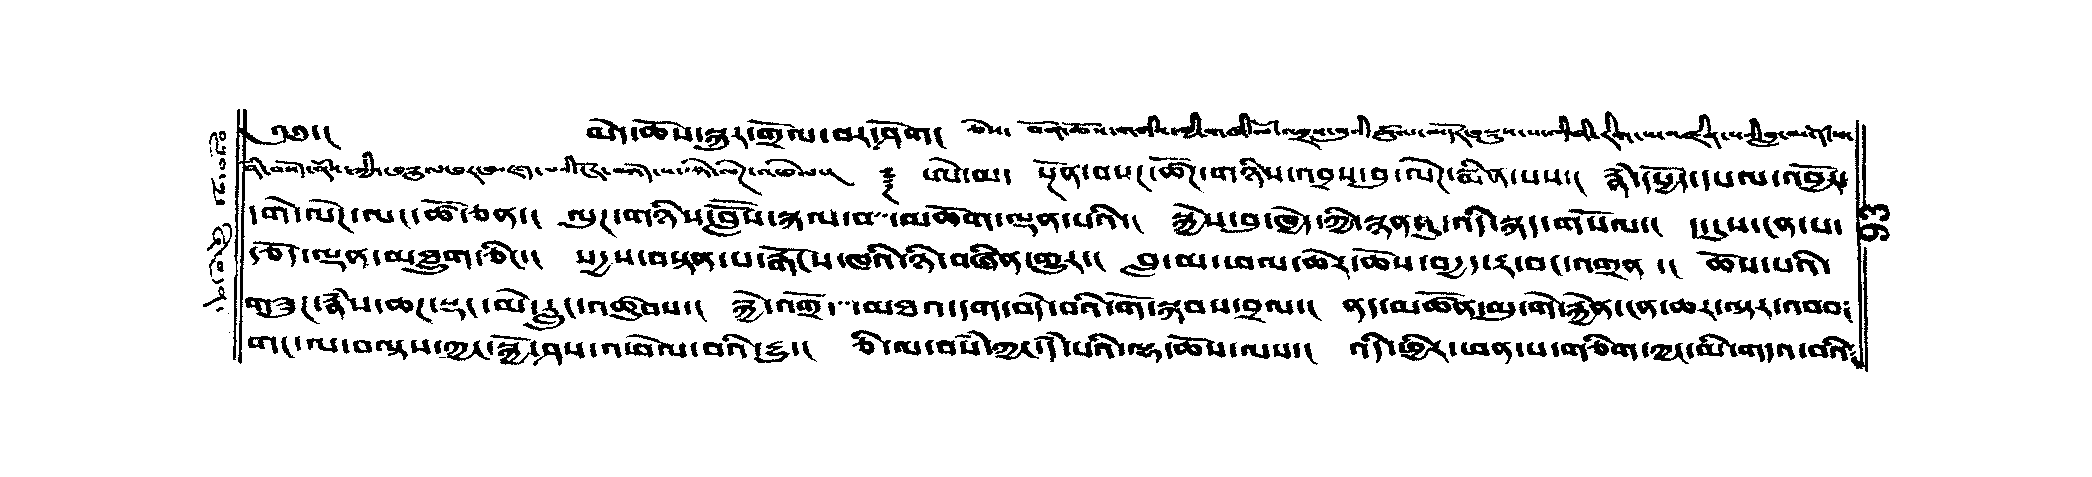མེད་ཆོས་སྐུར་གྲོལ་བར་ཤོག །ཅེས་བོན་ཆོས་གཉིས་ཀྱི་གཞི་ལམ་འབྲས་བུའི་ཚུལ་མདོར་བསྡུས་པ་འདི་ནི་རིག་པ་འཛིན་པའི་བླ་མ་དམ་པ་
བསོད་ནམས་ཀྱི་བསྐུལ་བར་མཛད་པའི་ངོར་བཀོད་པ་དགེ་ལེགས་འཕེལ།། ༈ ཨེ་མ། སྔོན་བསགས་ཚོགས་གཉིས་འབྲས་བུ་ལེགས་སྨིན་པས། །རྣམ་དཔྱོད་དཔལ་འབྱོར་
དགེ་ལེགས་ལང་ཚོ་ཅན། །ལུགས་གཉིས་བློ་གྲོས་སྐལ་བ་མཆོག་ལྡན་པའི། །སྐྱེས་བུ་ཁྱེད་ཀྱི་སྙན་དུ་འདི་སྐད་གསོལ། །ད་དུས་ངན་པ་
རྩོད་ལྡན་མཐར་ཐུག་ཅིང་། །སངས་རྒྱས་བསྟན་པ་དགོང་ཁའི་ཉི་བཞིན་འགྱུར། །བླ་མ་ཕལ་ཆེར་ཆོས་་བརྒྱད་རྟ་བང་འགྲན། །ཆོས་པའི་
གཟུགས་རྣམས་ཆགས་སྡང་མེ་རླུང་འཚུབས། །སྐྱེ་འགྲོ་མཐའ་དག་བདེ་བའི་གོ་སྐབས་བྲལ། །ནད་མཚོན་མུ་གེ་རྐྱེན་ངན་ཆར་་ལྟར་འབབ། །
གང་ལ་བལྟས་ཀྱང་སྐྱོ་ཤས་འཕེལ་བའི་རྒྱུ། །ཅི་ལ་བསམ་ཀྱང་དམ་པའི་ལྷ་ཆོས་ལས། །འདི་ཕྱིར་ཕན་པ་གཅིག་ཀྱང་མི་གདའ་བའི། །